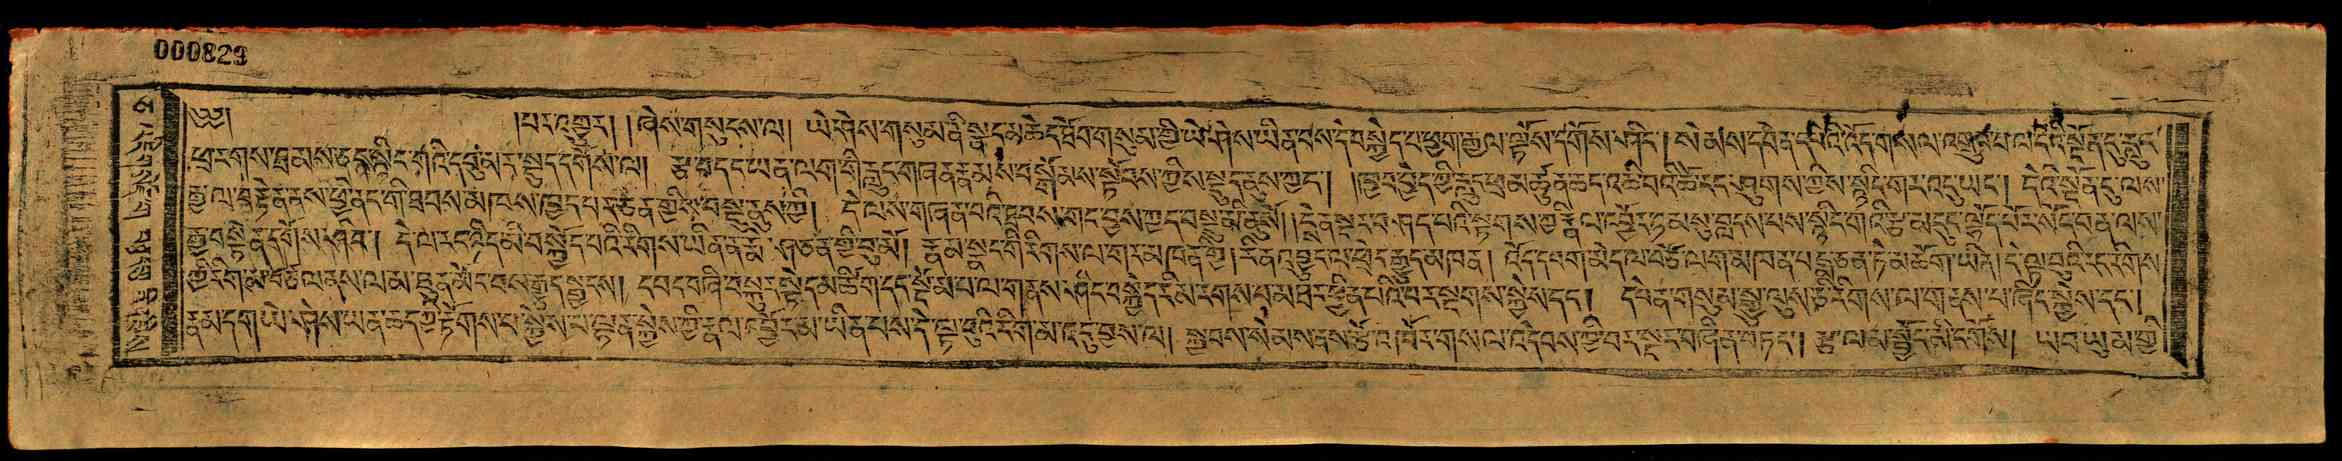༄༅། །པར་འགྱུར། །ཞེས་གསུངས་ལ། ཡེ་ཤེས་གསུམ་ནི་སྣང་མཆེད་ཐོབ་གསུམ་གྱི་ཡེ་ཤེས་ཡིན་པས་དེ་བསྐྱེད་པ་ཕྱག་རྒྱ་ལ་ལྟོས་དགོས་ཤིང་། སེམས་དབེན་དཔེའི་འོད་གསལ་འགྲུབ་པ་ལ་དེའི་སྔོན་དུ་རླུང་
ཕྲ་རགས་ཐམས་ཅད་སྙིང་གའི་དབུ་མར་སྡུད་དགོས་ལ། རྩ་བ་དང་ཡན་ལག་གི་རླུང་གཞན་རྣམས་བསྒོམས་སྟོབས་ཀྱིས་སྡུད་ནུས་ཀྱང་། ཁྱབ་བྱེད་ཀྱི་རླུང་ཕྲ་མོ་ཚུན་ཆད་འཆི་བའི་ཚེ་རང་ཤུགས་ཀྱིས་སྙིང་གར་འདུ་ཡང་། དེའི་སྔོན་དུ་ལས་
རྒྱ་ལ་བརྟེན་ནས་ཕྱི་ནང་གི་ཐབས་མཁས་ཁྱད་པར་ཅན་གྱིས་བསྡུ་ནུས་ཀྱི། དེ་ལས་གཞན་པའི་ཐབས་གང་བྱས་ཀྱང་བསྡུ་མི་ནུས་སོ། །དེས་ན་སྔར་བཤད་པའི་སྔགས་ཀྱི་རྣལ་འབྱོར་ཉམས་སུ་བླངས་པས་སྙིང་གའི་རྩ་མདུད་ལྷོད་པར་སོང་བ་ན་ལས་
རྒྱ་བསྟེན་དགོས་ཤིང་། དེ་ལ་རང་ཉིད་མི་བསྐྱོད་པའི་རིགས་ཡིན་ན་རྨེ་ཤ་ཅན་གྱི་བུ་མོ། རྣམ་སྣང་གི་རིགས་ལ་གར་མཁན་གྱི། རིན་འབྱུང་ལ་ཕྲེང་རྒྱུད་མཁན། འོད་དཔག་མེད་ལ་བཙོ་ལག་མཁན་པདམ་ཅན་ཏེ་མཆོག་ཡིན། དེ་ལྟ་བུའི་རང་རིགས་
ཀྱི་རིག་མ་བཙལ་ནས་ལམ་ཐུན་མོང་བས་རྒྱུད་སྦྱངས། དབང་བཞི་བསྐུར་སྟེ་དམ་ཚིག་དང་སྡོམ་པ་ལ་གནས་ཤིང་བསྐྱེད་རིམ་རགས་པ་མཐར་ཕྱིན་པའི་བར་སྔགས་སྐྱེས་དང་། དབེན་གསུམ་སྒྱུ་ལུས་ཅི་རིགས་ལ་གནས་པ་ཞིང་སྐྱེས་དང་།
རྣམ་དག་ཡེ་ཤེས་ཡན་ཆད་ཀྱི་རྟོགས་པ་སྐྱེས་པ་ལྷན་སྐྱེས་ཀྱི་རྣལ་འབྱོར་མ་ཡིན་པས་དེ་ལྟ་བུའི་རིག་མ་འདུ་བྱས་ལ། སྐྱབས་སེམས་ནས་རྩ་འཁོར་གསལ་འདེབས་ཀྱི་བར་སྔར་བཞིན་བཏང་། རྩ་ལམ་སྦྱོང་མི་དགོས། ཡབ་ཡུམ་གྱི་